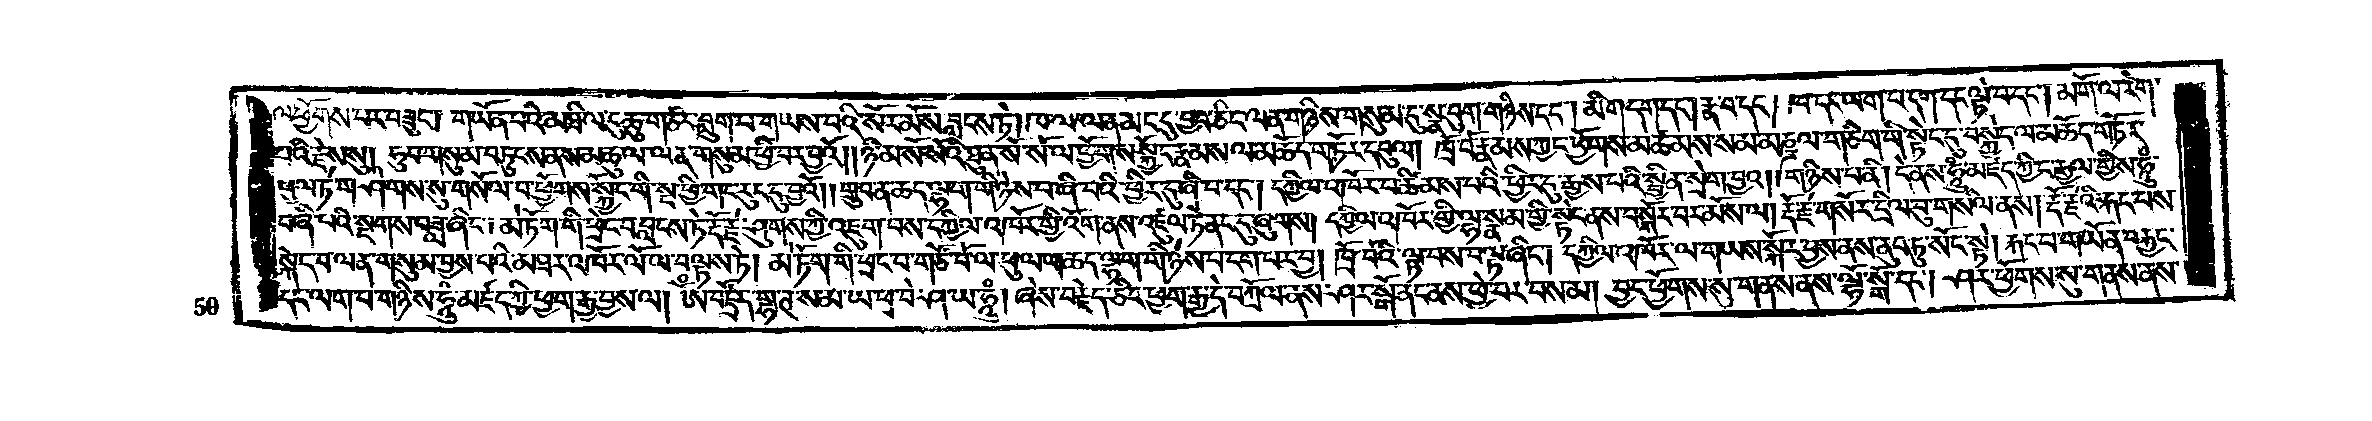ལ་ཕྱོགས་པར་བཟུང་། གཡོན་པའི་མཐིལ་དུ་ཆུ་གཙར་བླུག་པ་གཡས་པའི་སོར་མོས་བླངས་ཏེ། ཁ་ལ་ལན་མང་དུ་བྱ་བ་ཅིང་ལན་གཉིས་གསུམ་དུ་སྣ་བུག་གཉིས་དང་། མིག་དག་དང་། རྣ་བ་དང་། ཁ་དང་ལག་པ་དག་དང་ལྟེ་བ་དང་། མགོ་ལ་རེག་
པའི་རྗེས་སུ། ཧུབ་གསུམ་བཏུངས་ནས་མཆུ་ལ་ལན་གསུམ་ཕྱི་བར་བྱའོ། །ཉི་མ་སོ་སོའི་ཐུན་སོ་སོ་ལ་ཕྱོགས་སྐྱོང་རྣམས་ལ་མཆོད་གཏོར་དབུལ། ཁྲོ་བོ་རྣམས་ཀྱང་ཕྱོགས་མཚམས་སམ་མཎཌལ་གཅིག་གི་སྟེང་དུ་བསྐྱེད་ལ་མཆོད་གཏོར་
ཕུལ་ཏེ་གཤེགས་སུ་གསོལ་བ་ཕྱོགས་སྐྱོང་གི་སྔ་ཕྱི་གང་རུང་དུ་བྱའོ། །གྲུབ་ན་ཆད་ལྷག་གི་ཉེས་པ་ཞི་བའི་ཕྱིར་དུ་ཞི་བ་དང་། དཀྱིལ་འཁོར་བ་ཚིམས་པའི་ཕྱིར་དུ་རྒྱས་པའི་སྦྱིན་སྲེག་བྱའོ། །གཉིས་པ་ནི། དེ་ནས་ཧཱུཾ་མཛད་ཀྱི་ང་རྒྱལ་གྱི་ཧཱུཾ་
བཞི་པའི་སྔགས་བཟླ་ཞིང་། མེ་ཏོག་གི་ཕྲེང་བ་བླངས་ཏེ་རྡོ་རྗེ་ཤུགས་ཀྱི་འཇུག་པས་དཀྱིལ་འཁོར་གྱི་འོག་ནས་འཛུལ་ཏེ་ནང་དུ་ཞུགས། དཀྱིལ་འཁོར་གྱི་ལྷ་སྣམ་གྱི་སྟེང་ནས་བསྐོར་བར་མོས་ལ། རྡོ་རྗེ་གསོར་དྲིལ་བུ་གསིལ་ནས། རྡོ་རྗེའི་རྐང་པས་
སྐེད་པ་ལན་གསུམ་བྱས་པའི་མཐར་འཁོར་ལོ་ལ་བལྟས་ཏེ། མེ་ཏོག་གི་ཕྲང་བ་གཙོ་བོ་ལ་ཕུལ་ལ། ཆད་ལྷག་གི་ཉེས་པ་དག་པར་བྱ། ཁྲོ་བོའི་ལྟ་བས་བལྟ་ཞིང་། དཀྱིལ་འཁོར་ལ་གཡས་སྐོར་བྱས་ནས་ནུབ་ཏུ་སོང་སྟེ། རྐང་པ་གཡོན་བརྐྱང་
དང་ལག་པ་གཉིས་ཧཱུཾ་མཛད་ཀྱི་ཕྱག་རྒྱ་བྱས་ལ། ཨོཾ་བྫྲོར?་གྷ་ཊ་ས་མ་ཡ་ཕྲ་བེ་ཤ་ཡ་ཧཱུཾ། ཞེས་བརྗེད་ཅིང་ཕྱག་རྒྱ་དེ་བཀྲོལ་ནས་ཤར་སྒོ་ནང་ནས་ཕྱེ་བར་བསམ། བྱང་ཕྱོགས་སུ་གནས་ནས་ལྷོ་སྒོ་དང་། ཤར་ཕྱོགས་སུ་གནས་ནས་